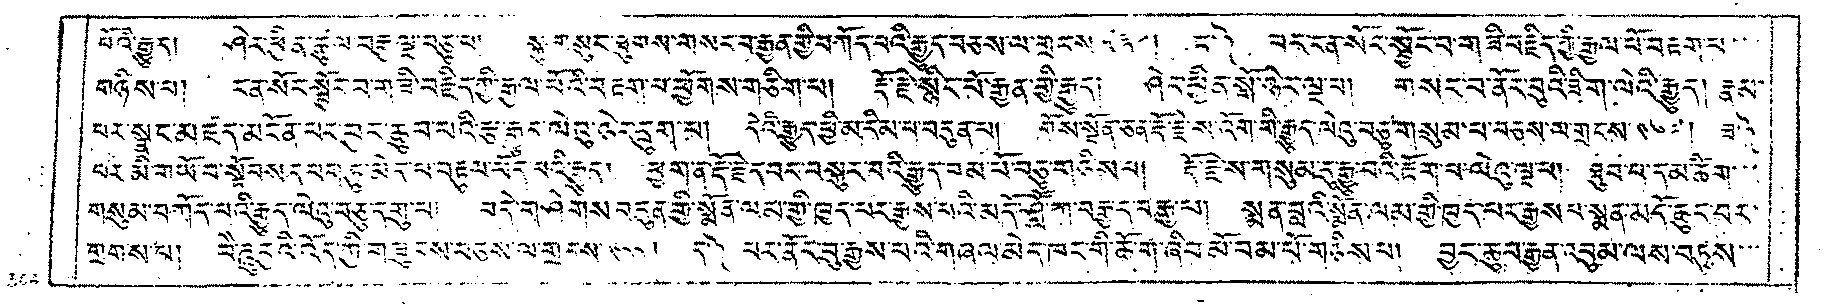པོའི་རྒྱུད། ཤེར་ཕྱིན་ཚུལ་བརྒྱ་ལྔ་བཅུ་པ། སྐུ་གསུང་ཐུགས་གསང་བ་རྒྱན་གྱི་བཀོད་པའི་རྒྱུད་བཅས་ལ་གྲངས ༥༣༡། ཏ྄་པར་ངན་སོང་སྦྱོང་བ་གཟི་བརྗིད་ཀྱི་རྒྱལ་པོ་བརྟག་པ་
གཉིས་པ། ངན་སོང་སྦྱོང་བ་གཟི་བརྗིད་ཀྱི་རྒྱལ་པོའི་བརྟག་པ་ཕྱོགས་གཅིག་པ། རྡོ་རྗེ་སྙིང་པོ་རྒྱན་གྱི་རྒྱུད། ཤེར་ཕྱིན་སྒོ་ཉེར་ལྔ་པ། གསང་བ་ནོར་བུའི་ཐིག་ལེའི་རྒྱུད། རྣམ་
པར་སྣང་མཛད་མངོན་པར་བྱང་ཆུབ་པའི་རྩ་རྒྱུད་ལེའུ་ཉེར་དྲུག་པ། དེའི་རྒྱུད་ཕྱི་མ་རིམ་པ་བདུན་པ། གོས་སྔོན་ཅན་རྡོ་རྗེ་ས་འོག་གི་རྒྱུད་ལེའུ་བཅུ་གསུམ་པ་བཅས་ལ་གྲངས ༤༦༧། ཐ྄
པར་མི་གཡོ་བ་སྟོབས་དཔག་ཏུ་མེད་པ་བརྟུལ་ཕོད་པའི་རྒྱུད། ཕྱག་ན་རྡོ་རྗེ་དབང་བསྐུར་བའི་རྒྱུད་བམ་པོ་བཅུ་གཉིས་པ། རྡོ་རྗེས་གསུམ་དུ་རྒྱུ་བའི་རྟོག་པ་ལེའུ་ལྔ་པ། ཐུབ་པ་དམ་ཚིག་
གསུམ་བཀོད་པའི་རྒྱུད་ལེའུ་བཅུ་དགུ་པ། བདེ་གཤེགས་བདུན་གྱི་སྨོན་ལམ་གྱི་ཁྱད་པར་རྒྱས་པའི་མདོ་ཤླཽ་ཀ་བརྒྱད་བརྒྱ་པ། སྨན་བླའི་སྨོན་ལམ་གྱི་ཁྱད་པར་རྒྱས་པ་སྨན་མདོ་ཆུང་བར་
གྲགས་པ། བཻ་ཌཱུརྱའི་འོད་ཀྱི་གཟུངས་བཅས་ལ་གྲངས ༤༨༨། ད྄་པར་ནོར་བུ་རྒྱས་པའི་གཞལ་མེད་ཁང་གི་ཆོ་ག་ཞིབ་མོ་བམ་པོ་གཉིས་པ། བྱང་ཆུབ་རྒྱན་འབུམ་ལས་བཏུས་